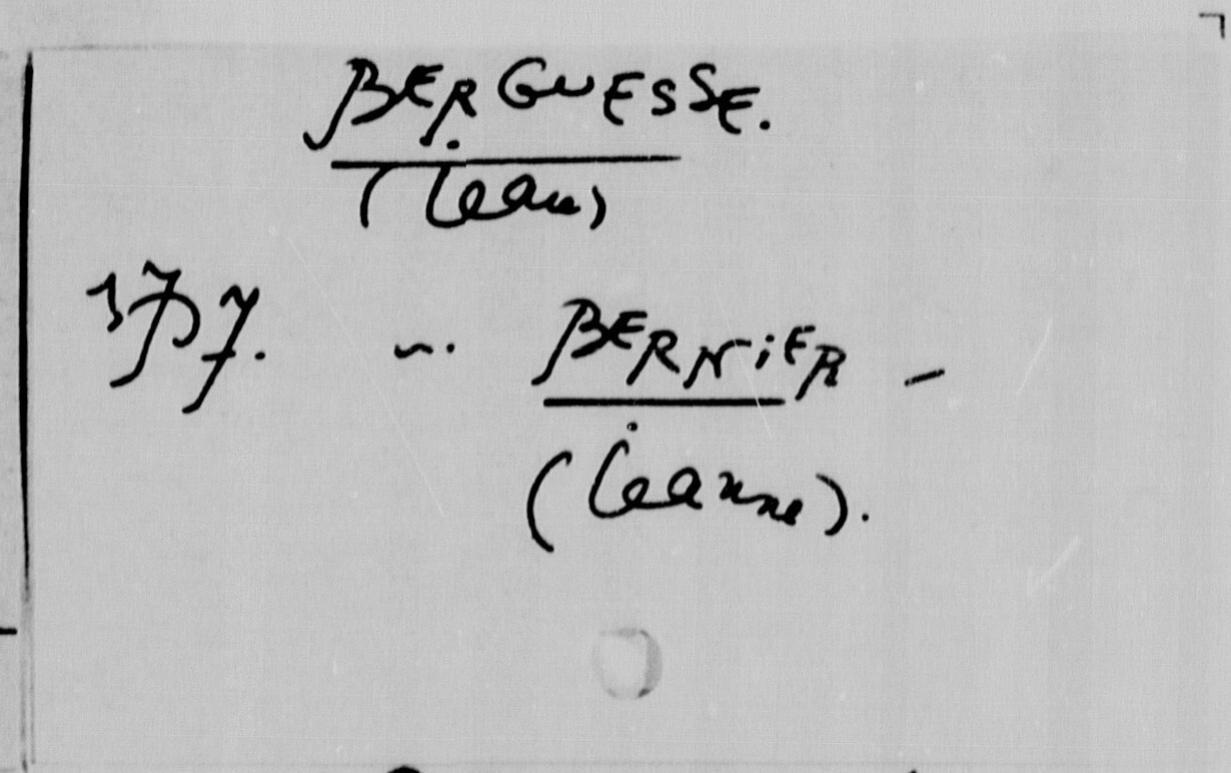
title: BERGUESSE (Jean)
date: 1707
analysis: Voir : BERNIER (Jeanne)
